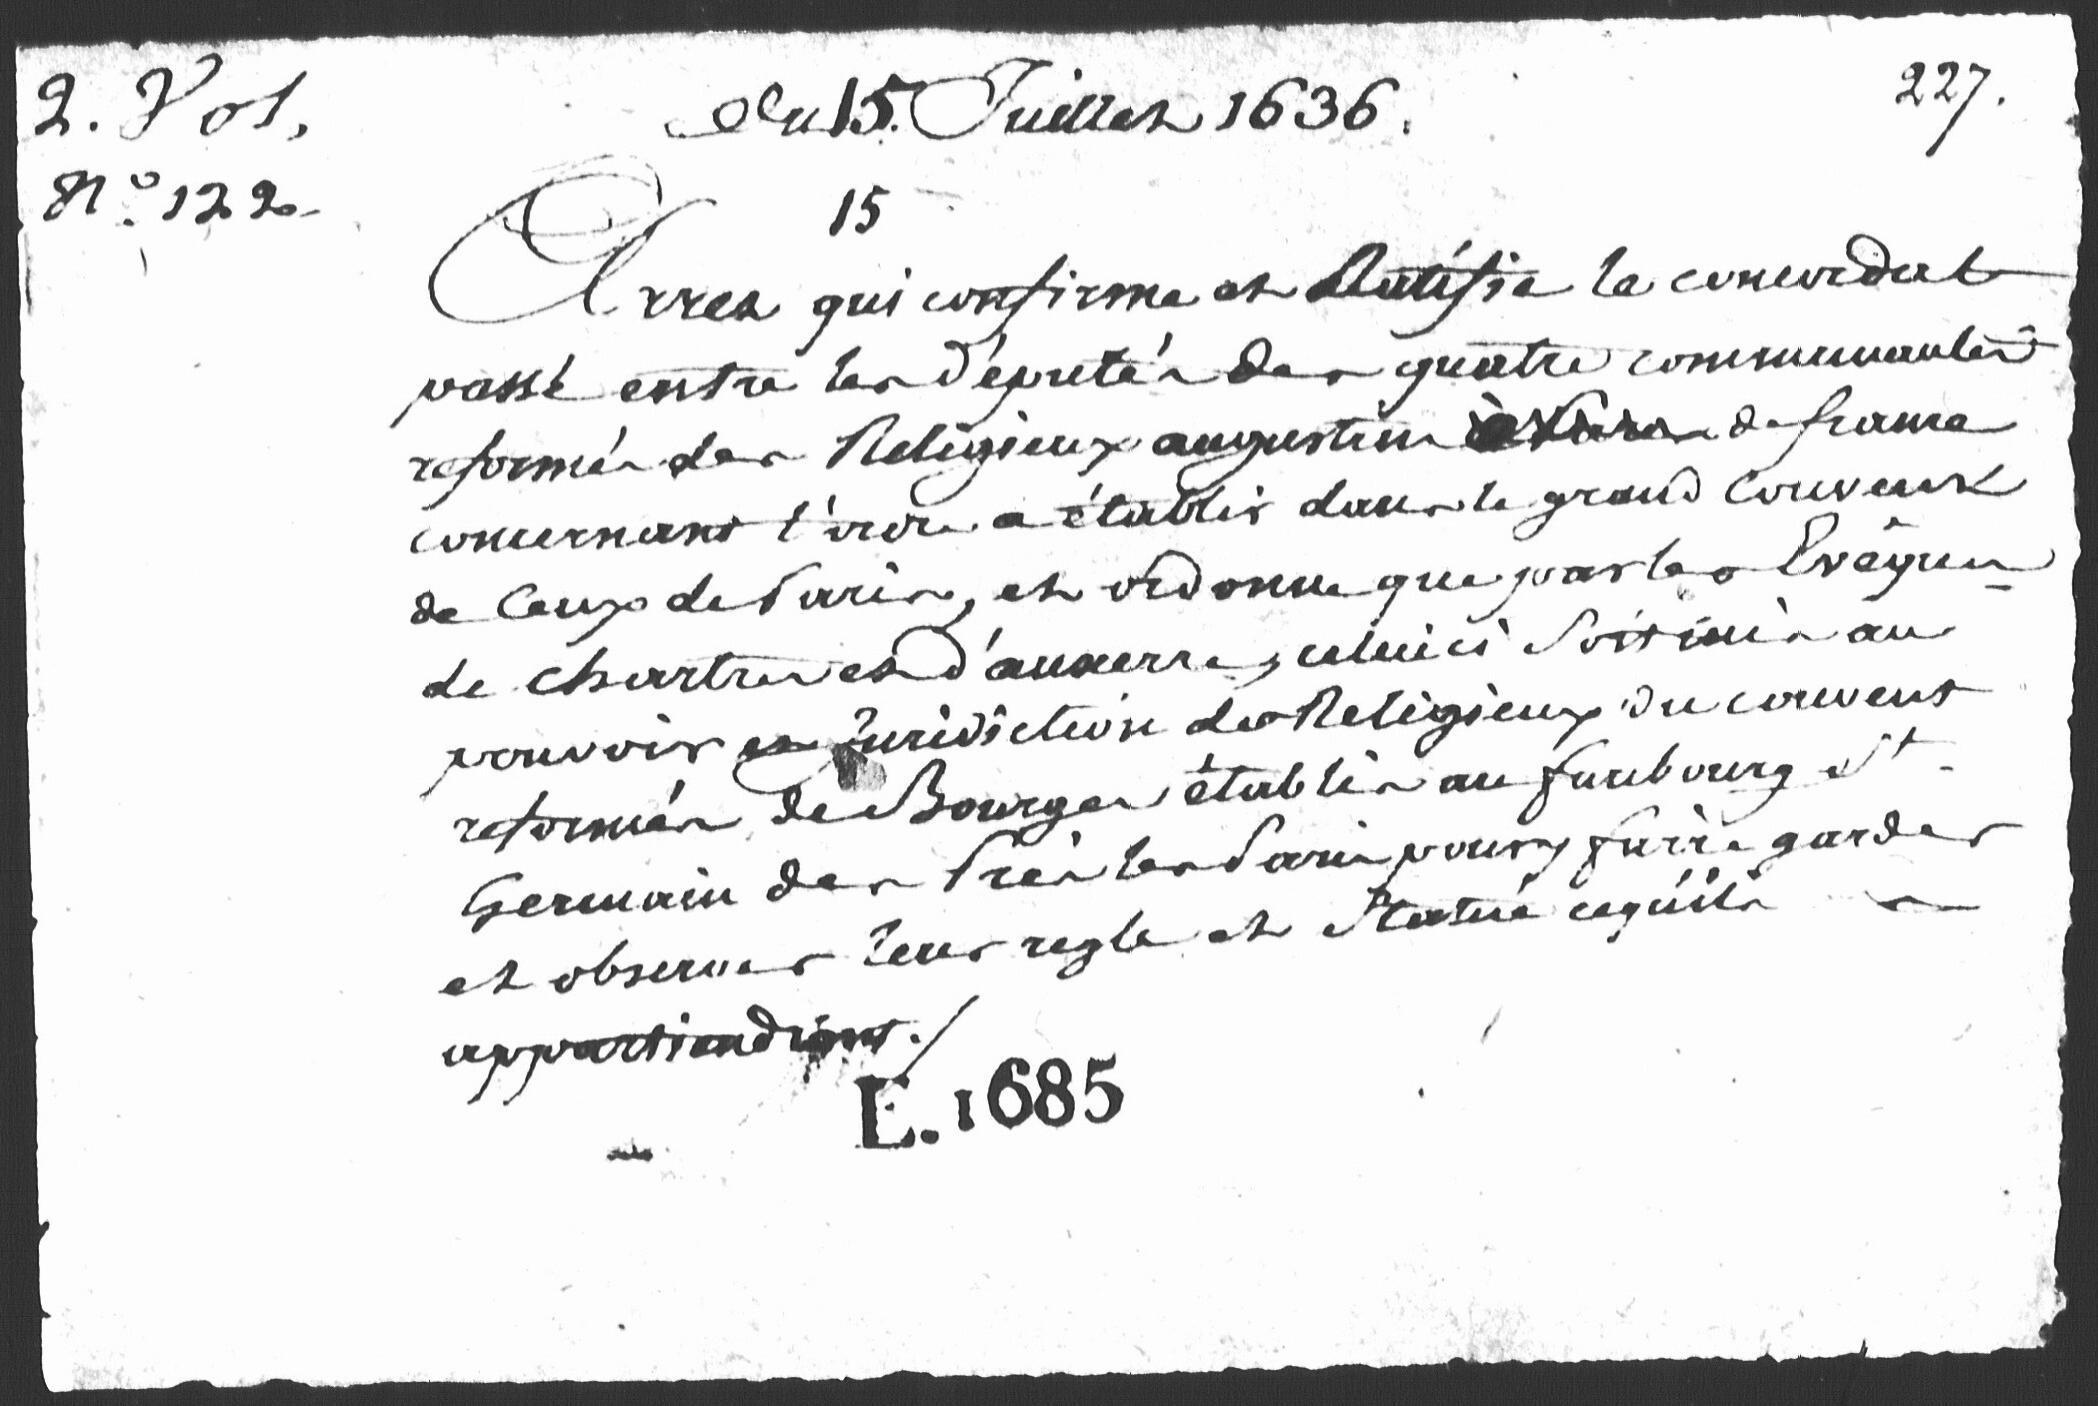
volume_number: n°122
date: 15 juillet 1636
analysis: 227
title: Arret qui confirme et ratifie le concordat passé entre les députés des quatre communautés réformés des Religieux augustins [de Paris, mots barrés] de france concernant l'ordre a établir dans le grand couvent de ceux de Paris, et ordonne que par les Evêques de chartres et d'auxerre, celui-ci soit uni au pouvoir et juridiction des Religieux du couvent reformés de Bourges établi au faubourg S.t Germain des Prés les Paris pour y faire garder et observer leur regle et statué ce qu'ils appartiendront.
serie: E
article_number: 1685
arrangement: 2. vol.
